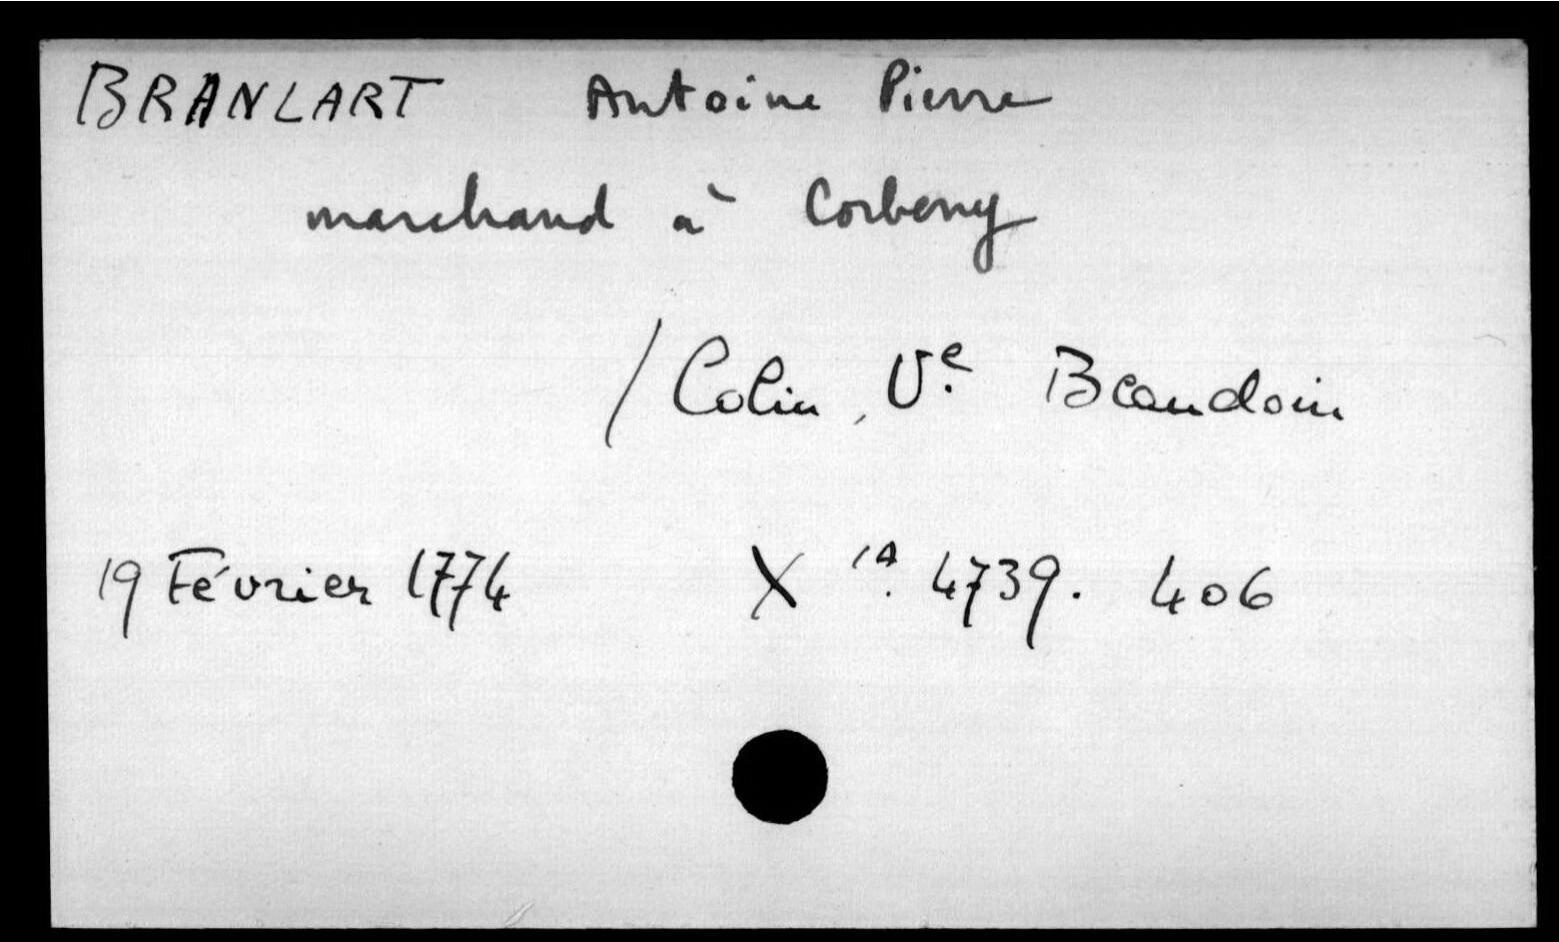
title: BRANLART Antoine Pierre marchand à Corbeny
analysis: Contre Colin, veuve Beaudoin
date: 19 février 1774
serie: X1A
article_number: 4739
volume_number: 406
